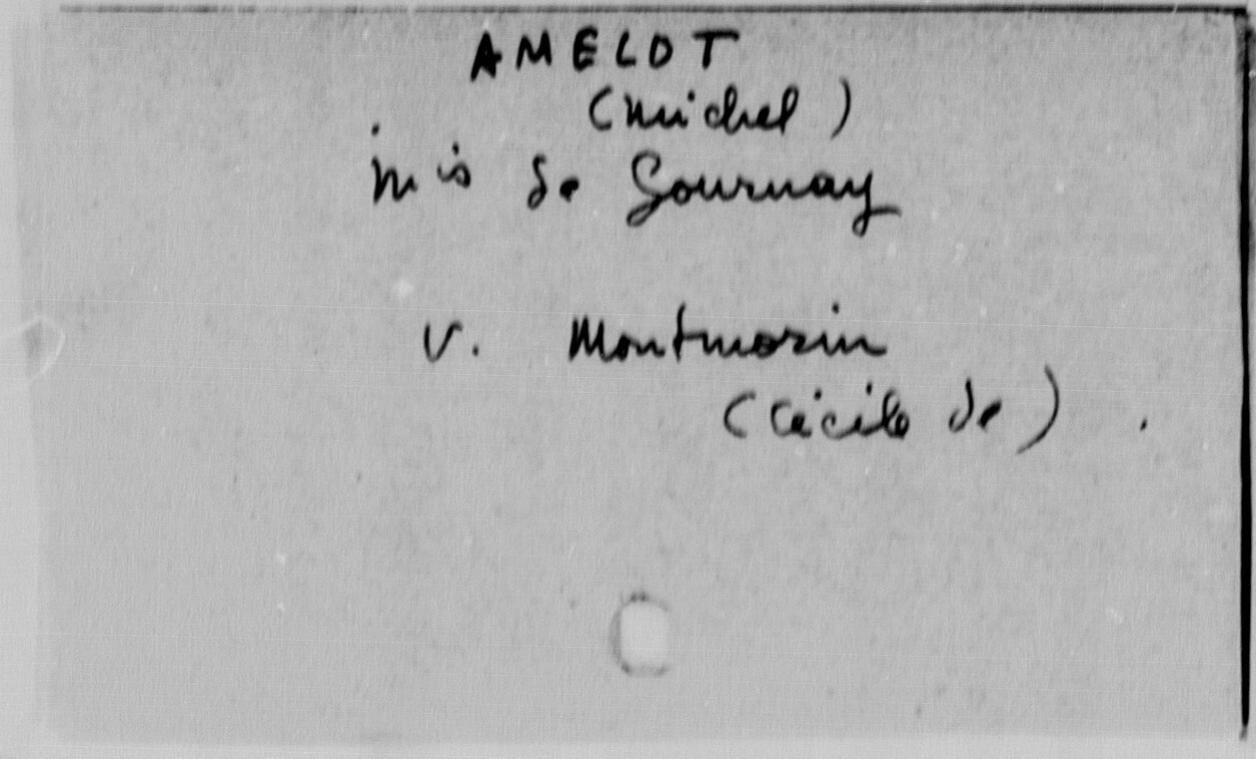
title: AMELOT (Michel), marquis de Gournay
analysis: Voir Montmorin (Cécile de)
